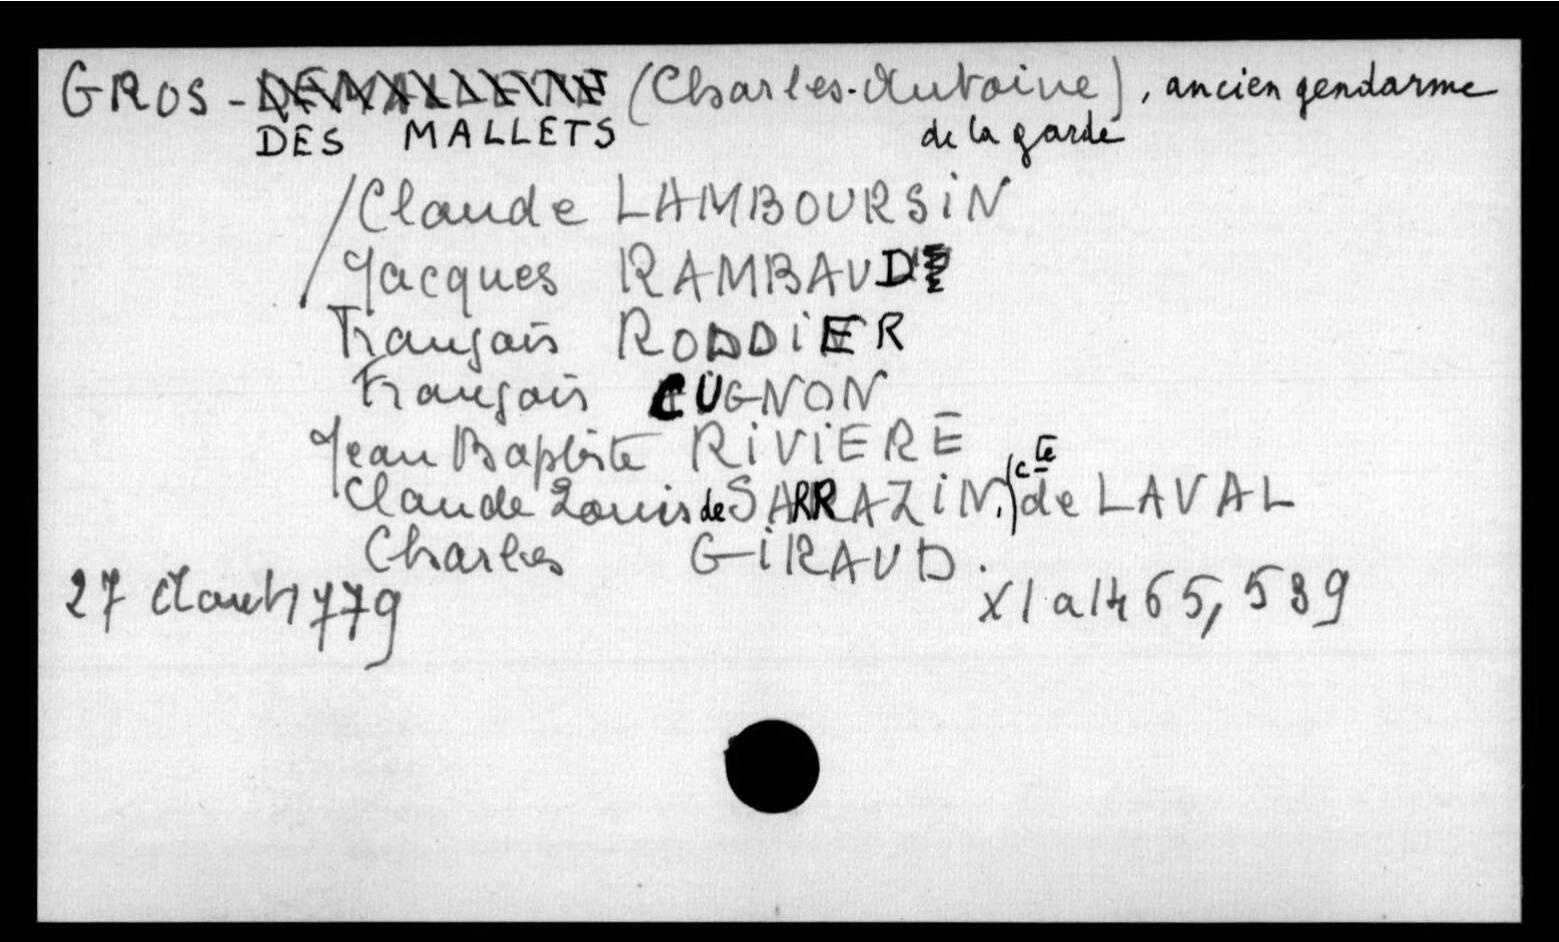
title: GROS DES MALLETS (Charles-Antoine), ancien gendarme de la garde
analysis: Contre Claude LAMBOURSIN, Jacques RAMBAUD, François RODDIER, François CUGNON, Jean-Baptiste RIVIERE, Claude Louis de SARRAZIN, comte de LAVAL, Charles GIRAUD
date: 27 août 1779
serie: X1a
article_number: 1465
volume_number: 539
